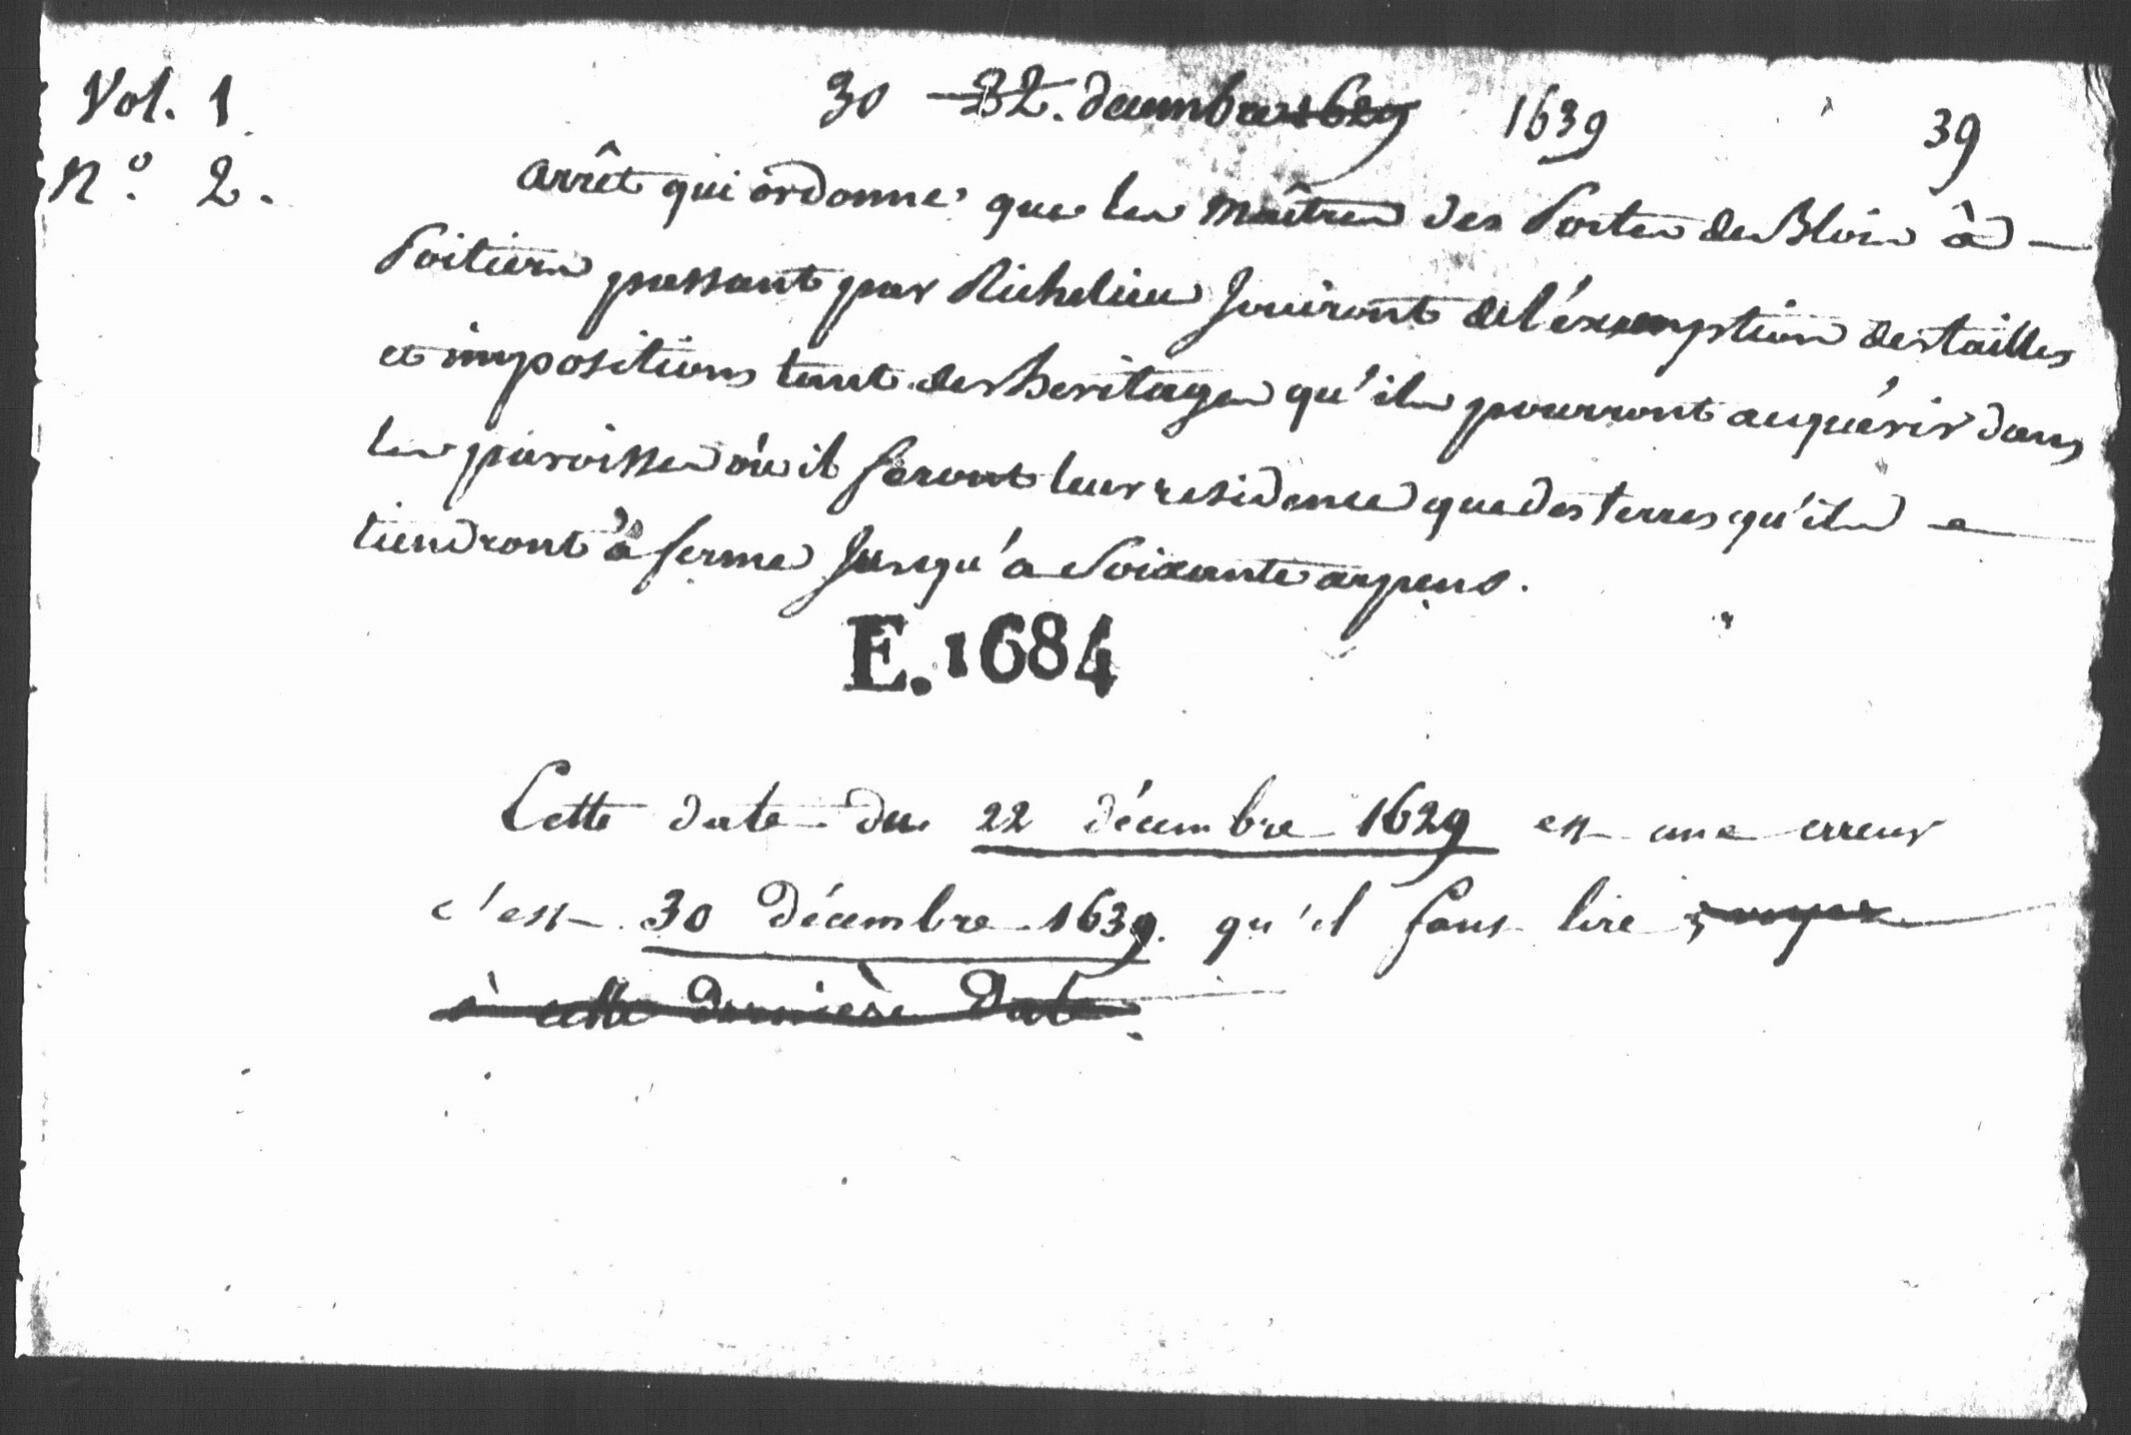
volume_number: n°24
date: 30 décembre 1639
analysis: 39 Cette date du 22 décembre 1629 est une erreur, c'est 30 décembre 1639 qu'il faut lire[renvoyer à cette dernière date : mots barrés]
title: arrêt qui ordonne que les maîtres des portes de Blois à Poitiers passant par Richelieu jouiront de l'exemption des tailles et impositions tant des héritages qu'ils pourront acquérir dans les paroisses où ils feront leur résidence que des terres qu'ils tiendront à ferme jusqu'à soixante arpens.
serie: E
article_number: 1684
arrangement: vol. 1
